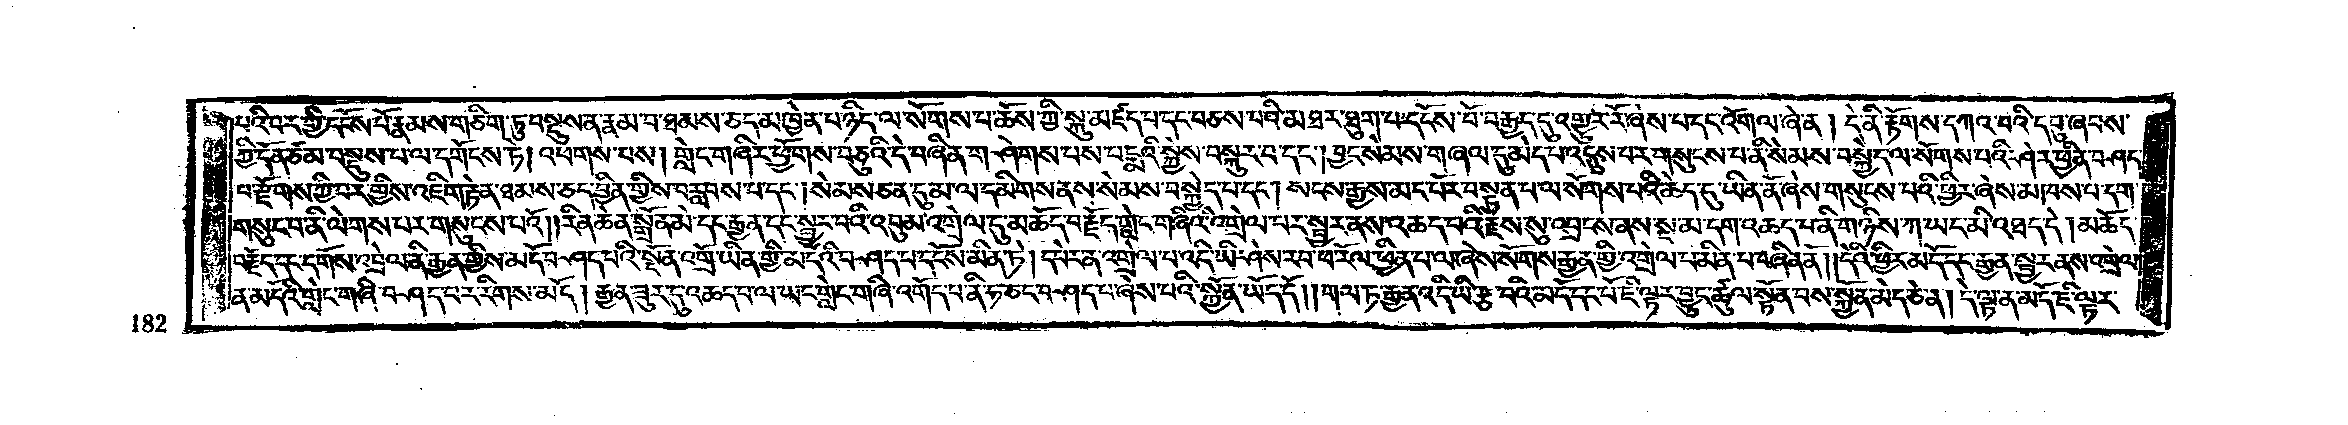པའི་བར་གྱི་དངོས་པོ་རྣམས་གཅིག་ཏུ་བསྡུས་ན་རྣམ་པ་ཐམས་ཅད་མཁྱེན་པ་ཉིད་ལ་སོགས་པ་ཆོས་ཀྱི་སྐུ་མཛད་པ་དང་བཅས་པའི་མཐར་ཐུག་པ་དངོས་པོ་བརྒྱད་དུ་འགྱུར་རོ་ཞེས་པ་དང་འགལ་ཞེ་ན། དེ་ནི་རྟོགས་དཀའ་བའི་དབུ་ཞབས་
ཀྱི་དོན་ཙམ་བསྡུས་པ་ལ་དགོངས་ཏེ། འཕགས་པས། གླེང་གཞིར་ཕྱོགས་བཅུའི་དེ་བཞིན་གཤེགས་པས་པདམའི་སྐྱེས་བསྐུར་བ་དང་། བྱང་སེམས་གཞལ་དུ་མེད་པ་འདུས་པར་གསུངས་པ་ནི་སེམས་བསྐྱེད་ལ་སོགས་པའི་ཤེར་ཕྱིན་བཤད་
པ་རྫོགས་ཀྱི་བར་གྱིས་འཇིག་རྟེན་ཐམས་ཅད་བྱིན་གྱིས་བརླབས་པ་དང་། སེམས་ཅན་དུ་མ་ལ་དམིགས་ནས་སེམས་བསྐྱེད་པ་དང་། སངས་རྒྱས་མང་པོར་བསྟན་པ་ལ་སོགས་པའི་ཆེད་དུ་ཡིན་ནོ་ཞེས་གསུངས་པའི་ཕྱིར་ཞེས་མཁས་པ་དག་
གསུང་བ་ནི་ལེགས་པར་གསུངས་པའོ། །རིན་ཆེན་སྒྲོན་མེ་དང་རྒྱན་དང་སྦྱར་བའི་འབུམ་འགྲེལ་དུ་མཆོད་བརྗོད་གླེང་གཞིའི་འགྲེལ་པར་སྦྱར་ནས་འཆད་པའི་རྗེས་སུ་འབྲངས་ནས་སྔ་མ་དག་འཆད་པ་ནི་གཉིས་ཀ་ཡང་མི་འཐད་དེ། མཆོད་
བརྗོད་དང་དགོས་འབྲེལ་ནི་རྒྱན་གྱིས་མདོ་བཤད་པའི་སྔོན་འགྲོ་ཡིན་གྱི་མདོའི་བཤད་པ་དངོས་མིན་ཏེ། དཔེར་ན་འགྲེལ་པ་འདི་ཡི་ཤེས་རབ་ཕ་རོལ་ཕྱིན་པ་ལ་ཞེས་སོགས་རྒྱན་གྱི་འགྲེལ་པ་མིན་པ་བཞིན་ནོ། །དེའི་ཕྱིར་མདོ་དང་རྒྱན་སྦྱར་ནས་འགྲེལ་
ན་མདོའི་གླེང་གཞི་བཤད་པར་རིགས་མོད། རྒྱན་ཟུར་དུ་འཆད་པ་ལ་ཡང་གླེང་གཞི་འགོད་པ་ནི་ཧ་ཅང་བཤད་པ་ཞེས་པའི་སྐྱོན་ཡོད་དོ། །གལ་ཏེ་རྒྱན་འདི་ཡི་རྩ་བའི་མདོ་དང་པོ་ཇི་ལྟར་བྱུང་ཚུལ་སྟོན་པས་སྐྱོན་མེད་ཅེ་ན། དེ་ལྟ་ན་མདོ་ཇི་ལྟར་